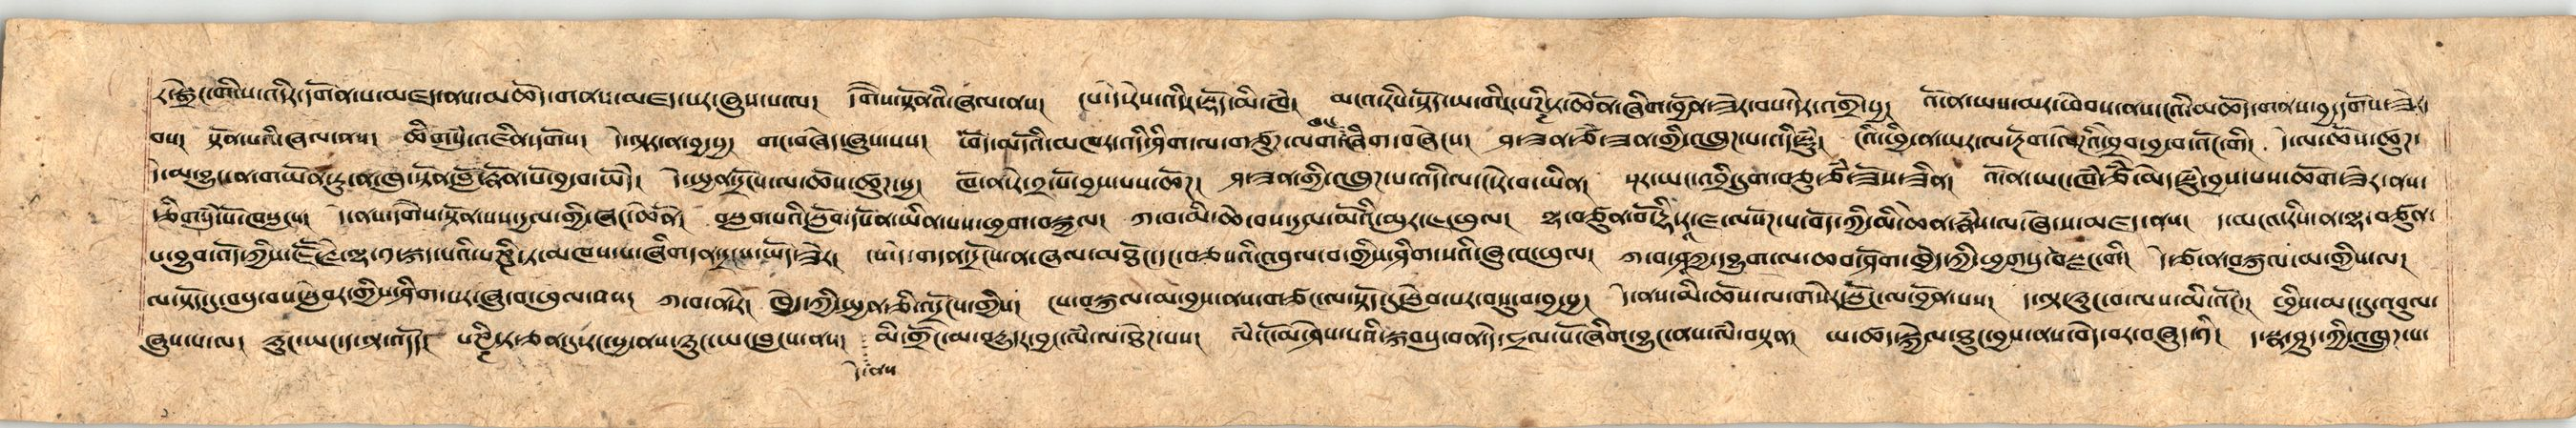ར་སྒྲེང་གིས་འདིར་དགོན་པ་མཛད་ནས་མཆོད་གནས་མཛད་པར་ཞུས་པ་ལས། དགཻས་སྟོནའི་ཞལ་ནས། ངས་དེ་རེས་འདིར་སྡོད་མི་ཁཾ། མངའ་རིས་སྟོད་ཡ་གིར་པཌྚི་ཏ་ཆེནོ་་ཞིག་བྱོན་ཟེར་བས་དེར་འགྲོ་སྱ། འོ་ན་ཡས་མར་ཕེབས་ནས་ངའི་མཆོད་གནས་བྱ་དགོས་ཟེར་
བས། སྟོན་པའི་ཞལ་ནས། ཚིགསུཾ་འཛིན་དགོས། ཏེ་ལྟར་ན་བྱ་སྱ། གང་བཞེད་ཞུས་པས། ཕོད་མདོའི་མཁར་འདི་ཤིག་ལ་གཙུཌ་ལག་ཁང་ཞིག་བཞེངས། ཤ་ཟན་ཙཾ་ཟན་གྱི་འཁྲུཌ་པ་འདི་སྡུཾ། ངའི་ཕྱི་ན་ཡར་ལ་རྔོག་ལེཌའི་ཤྲེབ་བྱ་བ་འོང་གི། དེ་ལ་ཆོས་ཚུཌ་
དེ་མ་བྱུང་ན་གཡོན་རུ་ན་ཁུ་སྟོན་བློ་རྣོན་པོ་བྱ་བ་ཡོདེ། དེ་སྤྱན་དྲོངས་ལ་ཆོས་ཚུཌ་སྱ། ཁོང་ན་རེ་༢་པོ་བྱས་པས་ཆོཌ། ཤ་ཟན་གྱི་འཁྲུཌ་པ་འདི་ལ་ང་རེ་བ་ཡིན། སྔར་ཡང་འབྲི་དྲུག་བཅུ་ཙཾ་ཟོས་ཟིན། འོ་ན་ཡང་ཁཾ་ཙཾ་མེད་སྡུཾ་བྱས་པས་ཆོག་ཟེར་ནས་
རྩིགསུཾ་པོ་ཁསླངས། དེ་ནས་དགཻས་སྟོན་པས་དྱལ་གྱི་ཞང་ཆེནོ། བསླབ་པའི་སློབ་དཔོན་ཡིན་པས་ཕྱག་བསྐྱལ། ཀ་བ་མི་ཆེ་བས་དྱལ་མོའི་མུར་ཇ་ཕུལ། ལྷ་བཙུན་བོ་དྷི་རཱ་ཛ་ལསོཌ་པ་བོད་ཀྱི་མི་ཆེན་རྣཾས་ལ་ཞེ་ས་མཛད་ནས། ད་མངའ་རིས་ན་ལྷ་བཙུན་
པ་བྱུབ་འོད་ཀྱིས་ཇཽ་རྗེ་ལྷ་༡སྐད་པའི་པཎྜི་ཏ་མཁས་པ་ཞིགདན་དྲངས་ཡོད་ཟེར། ངས་དེ་གདན་དྲོངས་ན་ཞལ་མཐོང་དང་བཅས་པའི་དབུལ་བ་གྱིས་ཤིག་སའི་ཞུ་བ་ཕུལ། ཀ་བ་ཤཱཀྱ་དབྱུག་ལ་ཆབ་ཤོག་ཁྱེད་ཀྱི་ཕྱག་དུ་བསྫང་གི། དེ་ཙ་ན་བསྐུལ་མ་གྱིས་ལ་
ལ་སྟོད་དུ་བསུ་བས་སླེབར་གྱིས་ཤིག་པར་ཞུ་བ་ཕུལ་བས། ཀ་བ་ན་རེ། ཁྱེད་ཀྱི་སྤྱན་ཅི་འདྲོངས་གྱིས། ངས་བསྐུལ་མ་བྱས་ནས་གཙང་ལ་སྟོད་དུ་སླེབ་པར་བསུ་བ་བྱ་སྱ། དེ་ནས་མི་ཆོས་ལ་གསེར་སློང་ལ་བྱོན་པས། ད་ལྟ་ཉུང་བ་ལས་མི་འོང་། ཕྱིས་མང་དུ་འབུལ་
ཞུས་པ་ལ། ཉུང་ཡང་ད་ལྟ་འདོད། པཎྜི་ཏ་ཅན་དུ་རང་སྱ་ནས་ཉུང་ཡང་བླངས་ནས། མི་གྲོང་མ་བདྱུདར་བྱང་ལཾ་ལ་ཐེཌ་པས། ལཾ་ངོ་མ་ཤེས་པའི་སྐབསུ་བན་དེ་ཧྲལ་པོ་ཞིག་བྱུང་ནས་ལཾ་བསྟན། ཡ་ཚད་སྐྱེལ་ཐུང་བྱས་ནས་བདེ་བར་བཞུད༡ི། ད་སྣ་ཤུད་ཀྱི་འཁྲུཌ་པ་